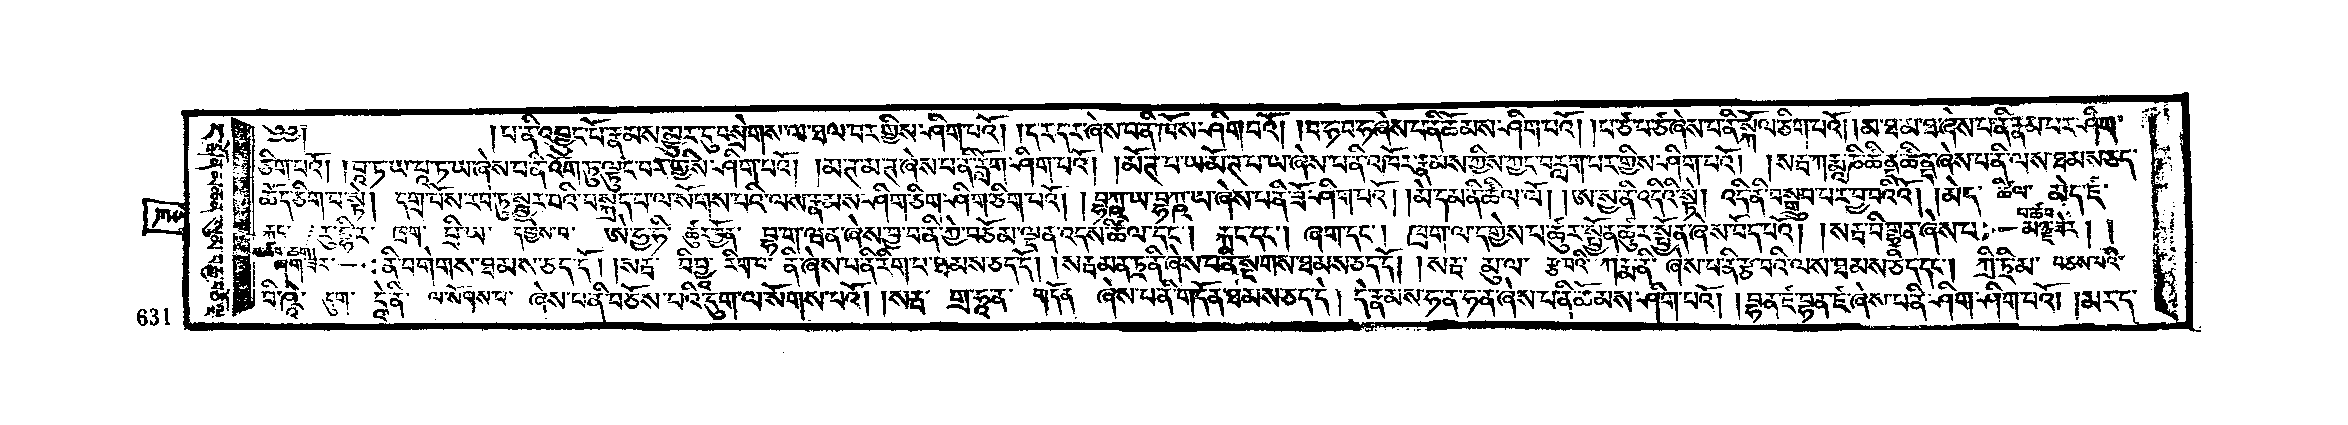༄༅། །པ་ནི་འབྱུང་པོ་རྣམས་མྱུར་དུ་བསྲེགས་ལ་ཐལ་བར་གྱིས་ཤིག་པའོ། །ད་ར་ད་ར་ཞེས་པ་ནི་ཁོས་ཤིག་པའོ། །བ་ཧ་བ་ཧ་ཞེས་པ་ནི་ཆོམས་ཤིག་པའོ། །པ་ཙ་པ་ཙ་ཞེས་པ་ནི་སྐོལ་ཅིག་པའོ། །མ་ཐ་མ་ཐ་ཞེས་པ་ནི་རྣམ་པར་ཤིག་
ཅིག་པའོ། །བཱ་ཏ་ཡ་པཱ་ཏ་ཡ་ཞེས་པ་ནི་འོག་ཏུ་ལྟུང་བར་གྱིས་ཤིག་པའོ། །མ་ཊ་མ་ཊ་ཞེས་པ་ནི་རློག་ཤིག་པའོ། །མོ་ཊ་པ་ཡ་མོ་ཊ་པ་ཡ་ཞེས་པ་ནི་འཁོར་རྣམས་ཀྱིས་ཀྱང་བརླག་པར་གྱིས་ཤིག་པའོ། །སརྦ་ཀརྨའ་ཎི་ཚིནྡ་ཚིནྡ་ཞེས་པ་ནི་ལས་ཐམས་ཅད་
ཆོད་ཅིག་པ་སྟེ། དགྲ་པོས་རབ་ཏུ་སྦྱར་བའི་བསྐྲད་པ་ལ་སོགས་པའི་ལས་རྣམས་ཤིག་ཅིག་ཤིག་ཅིག་པའོ། །བྷཀྵ་ཡ་བྷཀྵ་ཡ་ཞེས་པ་ནི་ཟོ་ཤིག་པའོ། །མེ་དམ་ནི་ཚིལ་ལོ། །ཨ་སཡ་ནི་འདིའི་སྟེ། འདི་ནི་བསྒྲུབ་པར་བྱ་བའི་འོ། །མེ་ད་ཚིལ་མད་ཛ་
རྐང་རུ་དྷི་ར་ཁྲག་པྲི་ཡ་དགྱེས་པ་ཨེ་ཧཡ་ཧི་ཚུར་བྱོན་བྷ་ག་ཝན་ཞེས་བྱ་བ་ནི་ཀྱེ་བཅོམ་ལྡན་འདས་ཚིལ་དང་། རྐང་དང་། ཞག་དང་། ཁྲག་ལ་དགྱེས་པ་ཚུར་སྤྱོན་ཚུར་སྤྱོན་ཞེས་བོད་པའོ། །སརྦ་བིགྷནན་ཞེས་པ་H.་པ་ཚབ་མཉྫ་ཟེར། །
པ་ཚབ་ཆག་ཞག་ཟེར་.H ནི་བགེགས་ཐམས་ཅད་དོ། །སརྦ་བིདྱཱ་རིག་པ་ནི་ཞེས་པ་ནི་རིག་པ་ཐམས་ཅད་དོ། །སརྦ་མན་ཏྲ་ནི་ཞེས་པ་ནི་སྔགས་ཐམས་ཅད་དོ། །སརྦ་མུ་ལ་རྩ་བའི་ཀརྨ་ནི་ཞེས་པ་ནི་རྩ་བའི་ལས་ཐམས་ཅད་དང་། ཀྲི་ཏྲི་མ་བཅས་པའི
བི་ཥཱ་དུག་དE་ནི་ལ་སོགས་པ་ཞེས་པ་ནི་བཅོས་པའི་དུག་ལ་སོགས་པའོ། །སརྦ་གྲ་ཧཱ་ན་གདོན་ཞེས་པ་ནི་གདོན་ཐམས་ཅད་དེ། དེ་རྣམས་ཧ་ན་ཧ་ན་ཞེས་པ་ནི་ཆོམས་ཤིག་པའོ། །བྷན་ཛ་བྷན་ཛ་ཞེས་པ་ནི་ཤིག་ཤིག་པའོ། །མར་ད་